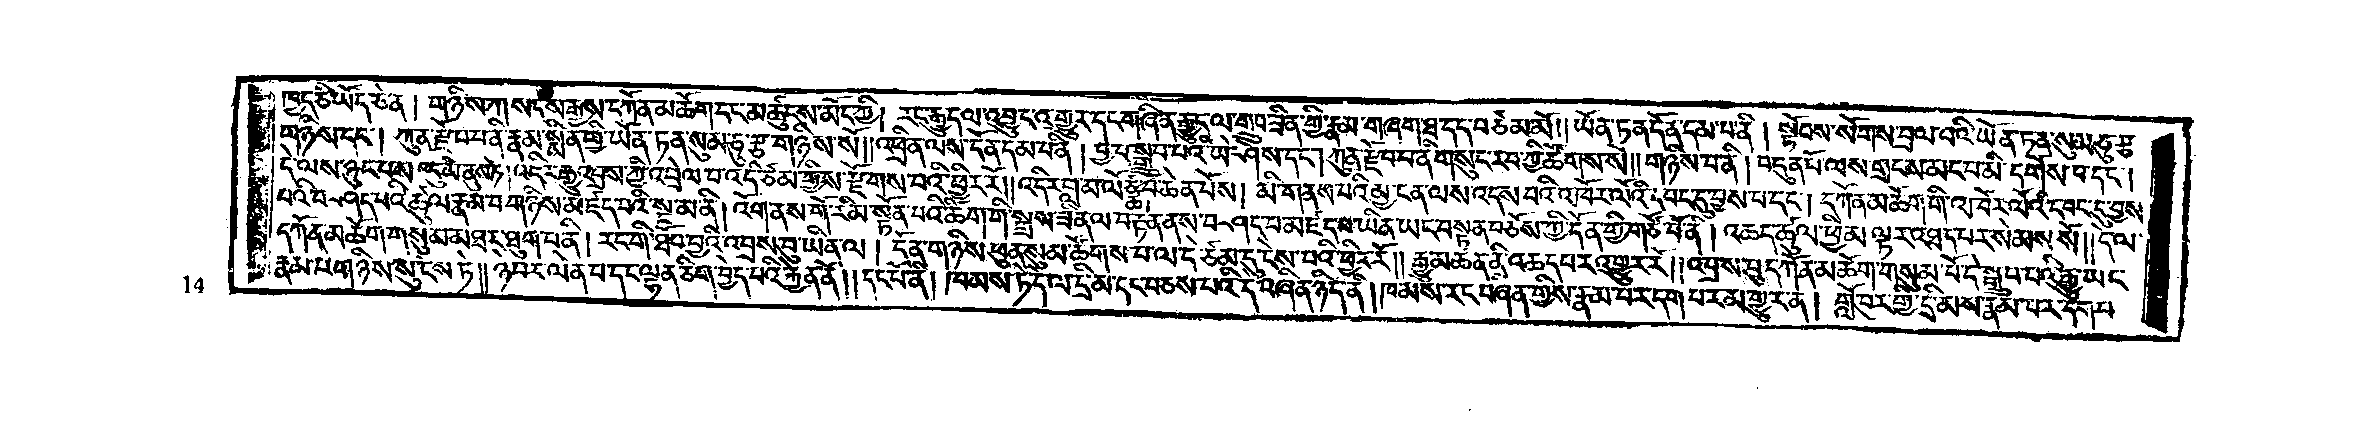ཁྱད་ཅི་ཡོད་ཅེ་ན། གཉིས་ཀ་སངས་རྒྱས་དཀོན་མཆོག་དང་མཚུངས་མོད་ཀྱི། རང་རྒྱུད་ལ་འབྱུང་འགྱུར་དང་གཞིན་རྒྱུད་ལ་གྲུབ་ཟིན་གྱི་རྣམ་གཞག་ཐ་དད་པ་ཙམ་མོ། །ཡོན་ཏན་དོན་དམ་པ་ནི། སྟོབས་སོགས་བྲལ་བའི་ཡོན་ཏན་སུམ་ཅུ་རྩ་
གཉིས་དང་། ཀུན་རྫོབ་པ་ནི་རྣམ་སྨིན་གྱི་ཡོན་ཏན་སུམ་ཅུ་རྩ་གཉིས་སོ། །འཕྲིན་ལས་དོན་དམ་པ་ནི། བྱ་བ་སྒྲུབ་པའི་ཡེ་ཤེས་དང་། ཀུན་རྫོབ་པ་ནི་གསུང་རབ་ཀྱི་ཚོགས་སོ། །གཉིས་པ་ནི། བདུན་པོ་ལས་གྲངས་མང་པ་མི་དགོས་པ་དང་།
དེ་ལས་ཉུང་བས་འདུ་མི་ནུས་ཏེ། འདིར་རྒྱུ་འབྲས་ཀྱི་འབྲེལ་པ་འདི་ཙམ་གྱིས་རྫོགས་པའི་ཕྱིར་རོ། །འདིར་བླ་མ་ལོ་ཙྪ་བ་ཆེན་པོས། མི་གནས་པའི་མྱ་ངན་ལས་འདས་པའི་འཁོར་ལོའི་དབང་དུ་བྱས་པ་དང་། དཀོན་མཆོག་གི་འཁོར་ལོའི་དབང་དུ་བྱས་
པའི་བཤད་པའི་ཚུལ་རྣམ་པ་གཉིས་མཛད་པའི་སྔ་མ་ནི། འོག་ནས་གོ་རིམ་སྟོན་པའི་ཚིག་གི་སྒྲས་ཟིན་ལ་བརྟེན་ནས་བཤད་པ་མཛད་པ་ཡིན་ཡང་བསྟན་བཅོས་ཀྱི་དོན་གྱི་གཙོ་བོ་ནི། འཆད་ཚུལ་ཕྱི་མ་ལྟར་འཐད་པར་སེམས་སོ། །དེ་ལ་
དཀོན་མཆོག་གསུམ་མཐར་ཐུག་པ་ནི། རང་གི་ཐོབ་བྱའི་འབྲས་བུ་ཡིན་ལ། དོན་གཉིས་ཕུན་སུམ་ཚོགས་པ་ལ་དེ་ཙམ་དུ་ངེས་པའི་ཕྱིར་རོ། །རྒྱུ་མཚན་ནི་འཆད་པར་འགྱུར་རོ། །འབྲས་བུ་དཀོན་མཆོག་གསུམ་པོ་དེ་སྒྲུབ་པའི་རྒྱུ་ཡང་
རྣམ་པ་གཉིས་སུ་ངེས་ཏེ། །ཉེ་བར་ལེན་པ་དང་ལྷན་ཅིག་བྱེད་པའི་རྐྱེན་ནོ། །དང་པོ་ནི། ཁམས་ཏེ་དེ་ལ་དྲི་མ་དང་བཅས་པའི་དེ་བཞིན་ཉིད་ནི། ཁམས་རང་བཞིན་གྱིས་རྣམ་པར་དག་པར་མ་གྱུར་ན། གློ་བུར་གྱི་དྲི་མས་རྣམ་པར་དག་པ་